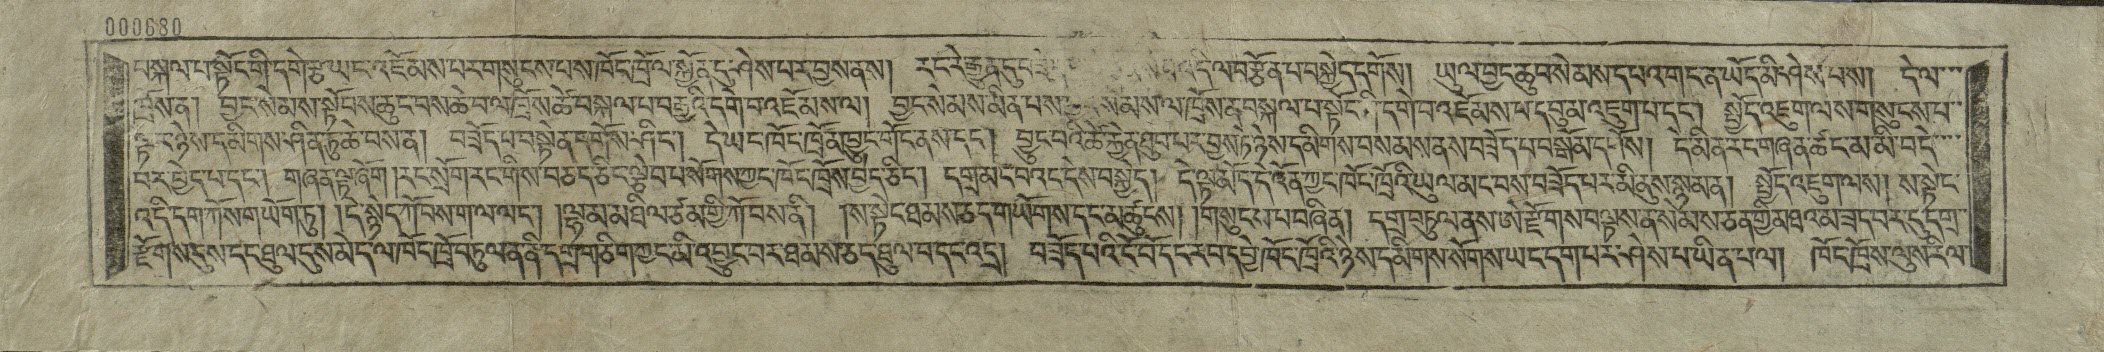བསྐལ་པ་སྟོང་གི་དགེ་རྩ་ཡང་འཇོམས་པར་གསུངས་པས་ཁོང་ཁྲོ་ལ་སྐྱོན་དུ་ཤེས་པར་བྱས་ནས། རང་རེ་རྒྱུན་དུ་བཟོད་པ་བསྒོམས་པ་འདི་ལ་བརྩོན་པ་བསྐྱེད་དགོས། ཡུལ་བྱང་ཆུབ་སེམས་དཔའ་གང་ན་ཡོད་མི་ཤེས་པས། དེ་ལ་
ཁྲོས་ན། བྱང་སེམས་སྟོབས་ཆུང་བས་ཆེ་བ་ལ་ཁྲོས་ཚེ་བསྐལ་པ་བརྒྱའི་དགེ་བ་འཇོམས་ལ། བྱང་སེམས་མིན་པས་བྱང་སེམས་ལ་ཁྲོས་ན་བསྐལ་པ་སྟོང་གི་དགེ་བ་འཇོམས་པ་དབུ་མ་འཇུག་པ་དང་། སྤྱོད་འཇུག་ལས་གསུངས་པ་
ལྟར་ཉེས་དམིགས་ཤིན་ཏུ་ཆེ་བས་ན། བཟོད་པ་བསྟེན་དགོས་ཤིང་། དེ་ཡང་ཁོང་ཁྲོ་མ་བྱུང་གོང་ནས་དང་། བྱུང་བའི་ཚེ་རྐྱེན་ཐུབ་པར་བྱས་ཏེ་ཉེས་དམིགས་བསམས་ནས་བཟོད་པ་བསྒོམ་དགོས། དེ་མིན་རང་གཞན་ཚང་མ་མི་བདེ་
བར་བྱེད་པ་དང་། གཞན་ལྟ་ཞོག །རང་སྲོག་རང་གིས་བཅད་ཅིང་ལྕེབ་པ་སོགས་ཀྱང་ཁོང་ཁྲོས་བྱེད་ཅིང་། དགྲ་མང་བའང་དེས་བསྐྱེད། དེ་ལྟ་མོད་དེ་འོན་ཀྱང་ཁོང་ཁྲོའི་ཡུལ་མང་བས་བཟོད་པར་མི་ནུས་སྙམ་ན། སྤྱོད་འཇུག་ལས། ས་སྟེང་
འདི་དག་ཀོས་གཡོག་ཏུ། །དེ་སྙེད་ཀོ་བས་ག་ལ་ལང་། །ལྷམ་མཐིལ་ཙམ་གྱི་ཀོ་བས་ནི། །ས་སྟེང་ཐམས་ཅད་གཡོགས་དང་མཚུངས། །གསུངས་པ་བཞིན། དགྲ་བཏུལ་ནས་ཨེ་རྫོགས་བལྟས་ན་སེམས་ཅན་གྱི་མཐའ་མ་ཟད་བར་དུ་དགྲ་
རྫོགས་དུས་དང་ཐུལ་དུས་མེད་ལ་ཁོང་ཁྲོ་བཏུལ་ན་ནི་དགྲ་གཅིག་ཀྱང་མི་འབྱུང་བར་ཐམས་ཅད་ཐུལ་བ་དང་འདྲ། བཟོད་པའི་ངོ་བོ་དང་རབ་དབྱེ་ཁོང་ཁྲོའི་ཉེས་དམིགས་སོགས་ཡང་དག་པར་ཤེས་པ་ཡིན་པ་ལ། ཁོང་ཁྲོས་ལུས་རིལ་